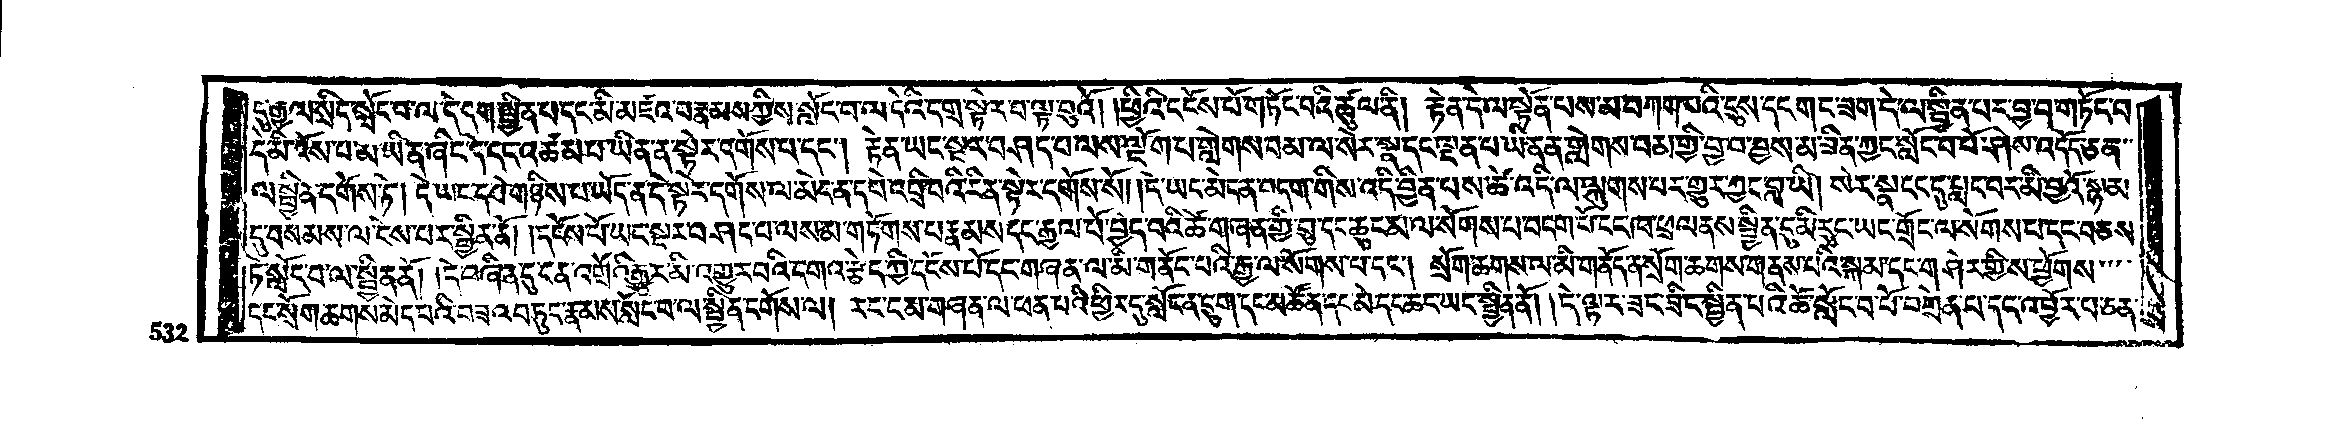དུ་རྒྱལ་སྲིད་སློང་བ་ལ་དེ་དག་སྦྱིན་པ་དང་མི་མཛའ་བ་རྣམས་ཀྱིས་སློང་བ་ལ་དེའི་དགྲ་སྟེར་བ་ལྟ་བུའོ། །ཕྱིའི་དངོས་པོ་གཏོང་བའི་ཚུལ་ནི། རྟེན་དེ་ལ་སྟོན་པས་མ་བཀག་པའི་དུས་དང་གང་ཟག་དེ་ལ་སྦྱིན་པར་བྱ་བ་གཏོང་བ་
དེ་མི་འོས་པ་མ་ཡིན་ཞིང་དེ་དང་འཚམ་པ་ཡིན་ན་སྟེར་དགོས་པ་དང་། རྟེན་ཡང་སྔར་བཤད་པ་ལས་ལྡོག་པ་གླེགས་བམ་ལ་སེར་སྣ་དང་ལྡན་པ་ཡིན་ན་གླེགས་བམ་གྱི་བྱ་བ་བྱས་མ་ཟིན་ཀྱང་སློང་བ་པོ་ཤེས་འདོད་ཅན་
ལ་སྦྱིན་དགོས་ཏེ། དེ་ཡང་དཔེ་གཉིས་པ་ཡོད་ན་དེ་སྟེར་དགོས་ལ་མེད་ན་དཔེ་འབྲི་བའི་རིན་སྟེར་དགོས་སོ། །དེ་ཡང་མེད་ན་བདག་གིས། འདི་བྱིན་པས་ཚེ་འདི་ལ་ལྐུགས་བར་གྱུར་ཀྱང་བླ་ཡི། སེར་སྣ་དང་དུ་བླང་བར་མི་བྱའོ་སྙམ་
དུ་བསམས་ལ་ངེས་པར་སྦྱིན་ནོ། །དངོས་པོ་ཡང་སྔར་བཤད་པ་ལས་མ་གཏོགས་པ་རྣམས་དང་རྒྱལ་པོ་བྱེད་པའི་ཚེ་གཞན་གྱི་བུ་དང་ཆུང་མ་ལ་སོགས་པ་བདག་པོ་དང་ཁ་ཕྲལ་ནས་སྦྱིན་དུ་མི་རུང་ཡང་གྲོང་ལ་སོགས་པ་དང་བཅས་
ཏེ་སློང་བ་ལ་སྦྱིན་ནོ། །དེ་བཞིན་དུ་ངན་འགྲོའི་རྒྱུར་མི་འགྱུར་བའི་དགའ་རྩེད་ཀྱི་དངོས་པོ་དང་གཞན་ལ་མི་གནོད་པའི་རྒྱ་ལ་སོགས་པ་དང་། སྲོག་ཆགས་ལ་མི་གནོད་ན་སྲོག་ཆགས་གནས་པའི་སྐམ་དང་གཤེར་གྱི་ས་ཕྱོགས་
དང་སྲོག་ཆགས་མེད་པའི་བཟའ་བཏུང་རྣམས་སློང་བ་ལ་སྦྱིན་དགོས་ལ། རང་ངམ་གཞན་ལ་ཕན་པའི་ཕྱིར་དུ་སློང་ན་དུག་དང་མཚོན་དང་མེ་དང་ཆང་ཡང་སྦྱིན་ནོ། །དེ་ལྟར་ཟང་ཟིང་སྦྱིན་པའི་ཚེ་སློང་བ་པོ་བཀྲེན་པ་དང་འབྱོར་པ་ཅན་